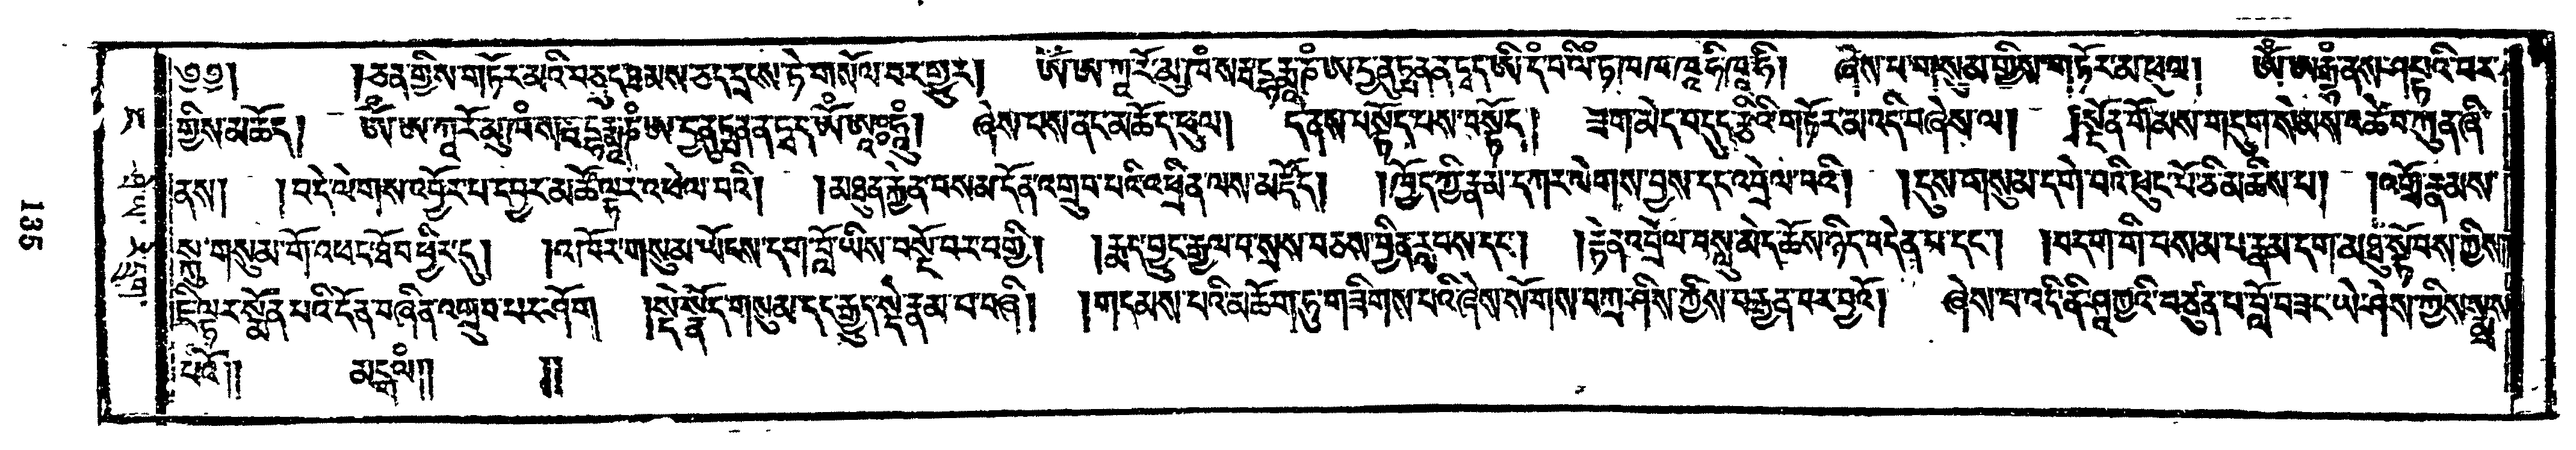༄༅། །ཅན་གྱིས་གཏོར་མའི་བཅུད་ཐམས་ཅད་དྲངས་ཏེ་གསོལ་བར་གྱུར། ཨོཾ་ཨ་ཀཱ་རོ་མུ་ཁཾ་སརྦ་དྷརྨཱ་ཎཾ་ཨདྱ་ནུཏྤན་ན་ཏྭད་ཨི་དཾ་བ་ལིཾ་ཏ་ཁ་ཁ་ཁཱ་ཧི་ཁཱ་ཧི། ཞེས་པ་གསུམ་གྱིས་གཏོར་མ་ཕུལ། ཨོཾ་ཨརྒྷཾ་ནས་ཤྤཏའི་བར་
གྱིས་མཆོད། ཨོཾ་ཨ་ཀཱ་རོ་མུ་ཁཾ་སརྦ་དྷརྨཱ་ཎཾ་ཨ་དྱ་ནུཏྤན་ན་ཏྭད་ཨོཾ་ཨཱཿཧཱུཾ། ཞེས་པས་ནང་མཆོད་ཕུལ། དེ་ནས་པ་སྟོང་པས་བསྟོད། ཟག་མེད་བདུད་རྩིའི་གཏོར་མ་འདི་བཞེས་ལ། །སྔོན་གོམས་གདུག་སེམས་འཚེ་བ་ཀུན་ཞི་
ནས། །བདེ་ལེགས་འབྱོར་པ་དབྱར་མཚོ་ལྟར་འཕེལ་བའི། །མཐུན་རྐྱེན་བསམ་དོན་འགྲུབ་པའི་འཕྲིན་ལས་མཛོད། །ཁྱོད་ཀྱི་རྣམ་དཀར་ལེགས་བྱས་དང་འབྲེལ་བའི། །དུས་གསུམ་དགེ་བའི་ཕུང་པོ་ཅི་མཆིས་པ། །འགྲོ་རྣམས་
སྐུ་གསུམ་གོ་འཕང་ཐོབ་ཕྱིར་དུ། །འཁོར་གསུམ་ཡོངས་དག་བློ་ཡིས་བསྔོ་བར་བགྱི། །རྨད་བྱུགན་རྒྱལ་བ་སྲས་བཅས་བྱིན་རླབས་དང་། །རྟེན་འབྲེལ་བསླུ་མེད་ཆོས་ཉིད་བདེན་པ་དང་། །བདག་གི་བསམ་པ་རྣམ་དག་མཐུ་སྟོབས་ཀྱིས།།
ཇི་ལྟར་སྨོན་པའི་དོན་བཞིན་འགྲུབ་པར་ཤོག །སྡེ་སྣོད་གསུམ་དང་རྒྱུད་སྡེ་རྣམ་པ་བཞི། །གདམས་པའི་མཆོག་ཏུ་གཟིགས་པའི་ཞེས་སོགས་བཀྲ་ཤིས་ཀྱིས་བརྒྱན་པར་བྱའོ། ཞེས་པ་འདི་ནི་ཤཱཀྱའི་བཙུན་པ་བློ་བཟང་ཡེ་ཤེས་ཀྱིས་སྨྲས་
པའོ།། མངྒལཾ།། །།